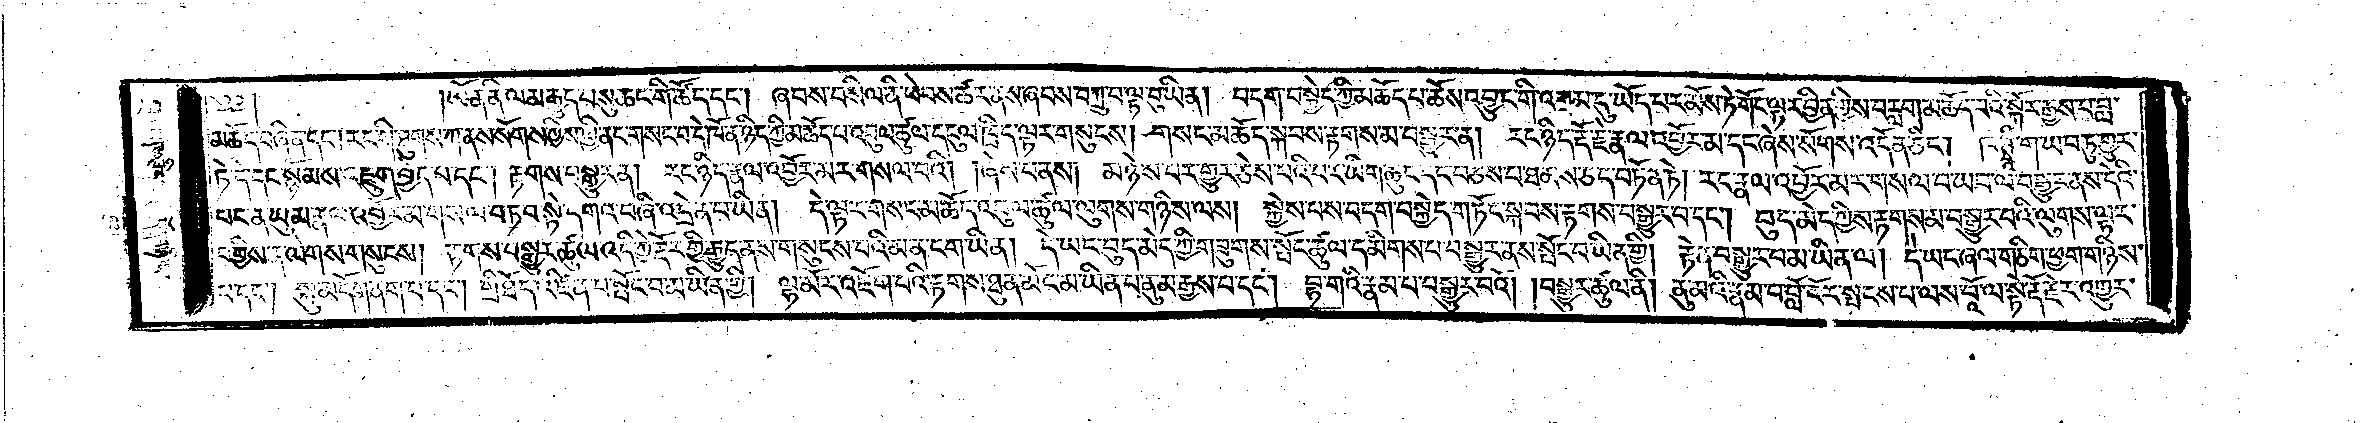༄༅། །ཡོན་ནི་ལམ་རྒྱུད་བསུ་ཆང་གི་ཚོད་དང་། ཞབས་བསིལ་ནི་ཕེབས་ཚར་ནས་ཞབས་བཀྲུ་བ་ལྟ་བུ་ཡིན། བདག་བསྐྱེད་ཀྱི་མཆོད་པ་ཆོས་འབྱུང་གི་འགྲམ་དུ་ཡོད་པར་མོས་ཏེ་གོང་ལྟར་བྱིན་གྱིས་བརླབ། མཆོད་པའི་སྐོར་རྒྱས་པ་བླ་
མཆོད་བཞིན་དང་། རང་གི་ཐུགས་ཀ་ནས་སོགས་ཀྱིས་ཕྱི་ནང་གསང་བ་དེ་ཁོ་ན་ཉིད་ཀྱི་མཆོད་པ་འབུལ་ཚུལ་དངུལ་ཁྲིད་ལྟར་གསུངས། གསང་མཆོད་སྐབས་རྟགས་མ་བསྒྱུར་ན། རང་ཉིད་རྡོ་རྗེ་རྣལ་འབྱོར་མ་དང་ཞེས་སོགས་འདོན་ཅིང་། ཁ་ཊཝའཾ་ག་ཡབ་ཏུ་གྱུར་
ཏེ་དེ་དང་སྙོམས་འཇུག་བྱེད་པ་དང་། རྟགས་བསྒྱུར་ན། རང་ཉིད་རྣལ་འབྱོར་མར་གསལ་བའི། །ཞེས་པ་ནས། མཉེས་པར་གྱུར་ཅེས་པའི་བར་ཡིག་ཆུང་དང་བཅས་པ་ཐམས་ཅད་བཏོན་ཏེ། རང་རྣལ་འབྱོར་མར་གསལ་བ་ཡབ་ལ་བསྒྱུར་ནས་དེའི་
པང་ན་ཡུམ་རྣལ་འབྱོར་མ་གསལ་བཏབ་སྟེ་དགའ་བཞི་འདྲེན་པ་ཡིན། དེ་ལྟར་གསང་མཆོད་འབུལ་ཚུལ་ལུགས་གཉིས་ལས། སྐྱེས་པས་བདག་བསྐྱེད་གཏོང་སྐབས་རྟགས་བསྒྱུར་བ་དང་། བུད་མེད་ཀྱིས་རྟགས་མ་བསྒྱུར་བའི་ལུགས་ལྟར་
བགྱིས་ན་ལེགས་གསུངས། རྟགས་བསྒྱུར་ཚུལ་འདི་ཀྱེ་རྡོར་གྱི་རྒྱུད་ནས་གསུངས་པའི་མན་ངག་ཡིན། དེ་ཡང་བུད་མེད་ཀྱི་གཟུགས་སྤོང་ཚུལ་དམིགས་པ་བསྒྱུར་ནས་སྤོང་བ་ཡིན་གྱི། རྟེན་བསྒྱུར་བ་མ་ཡིན་ལ། དེ་ཡང་ཞལ་གཅིག་ཕྱག་གཉིས་
པ་དང་། སྐུ་མདོག་ནག་པ་དང་། གྲི་ཐོད་འཛིན་པ་སྤོང་བ་མ་ཡིན་གྱི། ལྷ་མོར་འཇོག་པའི་རྟགས་ཐུན་མོང་མ་ཡིན་པ་ནུ་མ་རྒྱས་པ་དང་། བྷ་གའི་རྣམ་པ་བསྒྱུར་བའོ། །བསྒྱུར་ཚུལ་ནི། ནུ་མའི་རྣམ་པ་བློ་ངོར་སྤངས་པ་ལས་བO་ལ་སྟེ་རྡོ་རྗེར་འགྱུར་